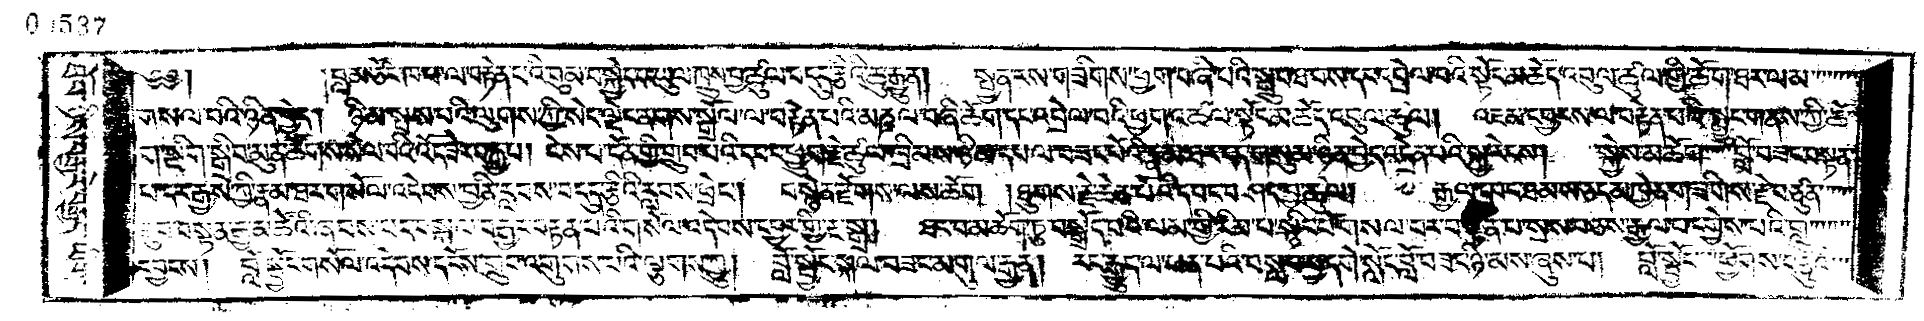༄༅། །བླ་མ་ཙོང་ཁ་པ་ལ་བརྟེན་པའི་བུམ་བསྐྱེད་དང་ཡུལ་ཁྲུས་བྱ་ཚུལ་བདུད་རྩིའི་ཆུ་རྒྱུན། སྤྱན་རས་གཟིགས་ཕྱག་བཞི་པའི་སྒྲུབ་ཐབས་དང་འབྲེལ་བའི་སྟོང་མཆོད་འབུལ་ཚུལ་གྱི་ཆོ་ག་ཐར་ལམ་
གསལ་བའི་ཉིན་བྱེད། ཉི་མ་སྤས་པའི་ལུགས་ཀྱི་སེང་ལྡེང་ནགས་སྒྲོལ་ལ་བརྟེན་པའི་མཎྜལ་བཞི་ཆོ་ག་དང་འབྲེལ་བའི་ཕྱག་འཚལ་སྟོང་མཆོད་འབུལ་ཚུལ། འཇམ་དབྱངས་ལ་བརྟེན་པའི་སྨྱུང་གནས་ཀྱི་ཆོ་
ག་སྡིག་སྒྲིབ་མུན་ཚོགས་སེལ་བའི་འོད་ཟེར་བརྒྱ་པ། ངེས་པ་དོན་གྱི་གྲུབ་པའི་དབང་ཕྱུག་རྗེ་ཚུལ་ཁྲིམས་ཉི་མ་དཔལ་བཟང་པོའི་རྣམ་ཐར་དད་གསུམ་ཉིན་བྱེད་འདྲེན་པའི་སྐྱ་རེངས། སྐྱེས་མཆོག་བློ་བཟང་བསྟན་
པ་དར་རྒྱས་ཀྱི་རྣམ་ཐར་གསོལ་འདེབས་བྱིན་རླབས་བདུད་རྩིའི་རླབས་ཕྲེང་། བསྙེན་རྫོགས་ལས་ཆོག །ཐུགས་རྗེ་ཆེན་པོའི་དབང་བཤད་བྱ་ཚུལ། ༧་རྒྱལ་དབང་ཐམས་ཅད་མཁྱེན་གཟིགས་རྗེ་བཙུན་
ཐུབ་བསྟན་རྒྱ་མཚོའི་ཞབས་པད་བསྐལ་བརྒྱར་བརྟན་པའི་གསོལ་འདེབས་དབྱར་གྱི་རྔ་སྒྲ། ཐར་བ་མཆོག་ཏུ་བསྒྲོད་པའི་ལམ་གྱི་རིམ་པ་སྙིང་པོ་གསལ་བར་བསྟན་པ་སྲས་བཅས་རྒྱལ་བ་དགྱེས་པའི་གླུ་
དབྱངས། བློ་སྦྱོང་གསོལ་འདེབས་དངོས་གྲུབ་འགུགས་པའི་ལྕགས་ཀྱུ། བློ་སྦྱོང་སྐལ་བཟང་མགུལ་རྒྱན། རང་རྒྱུད་ལ་ཕན་པའི་བསླབ་བྱ་དགེ་སློང་བློ་བཟང་ཉི་མས་ཞུས་པ། བློ་སྦྱོང་ཕྱོགས་བཅུའི་